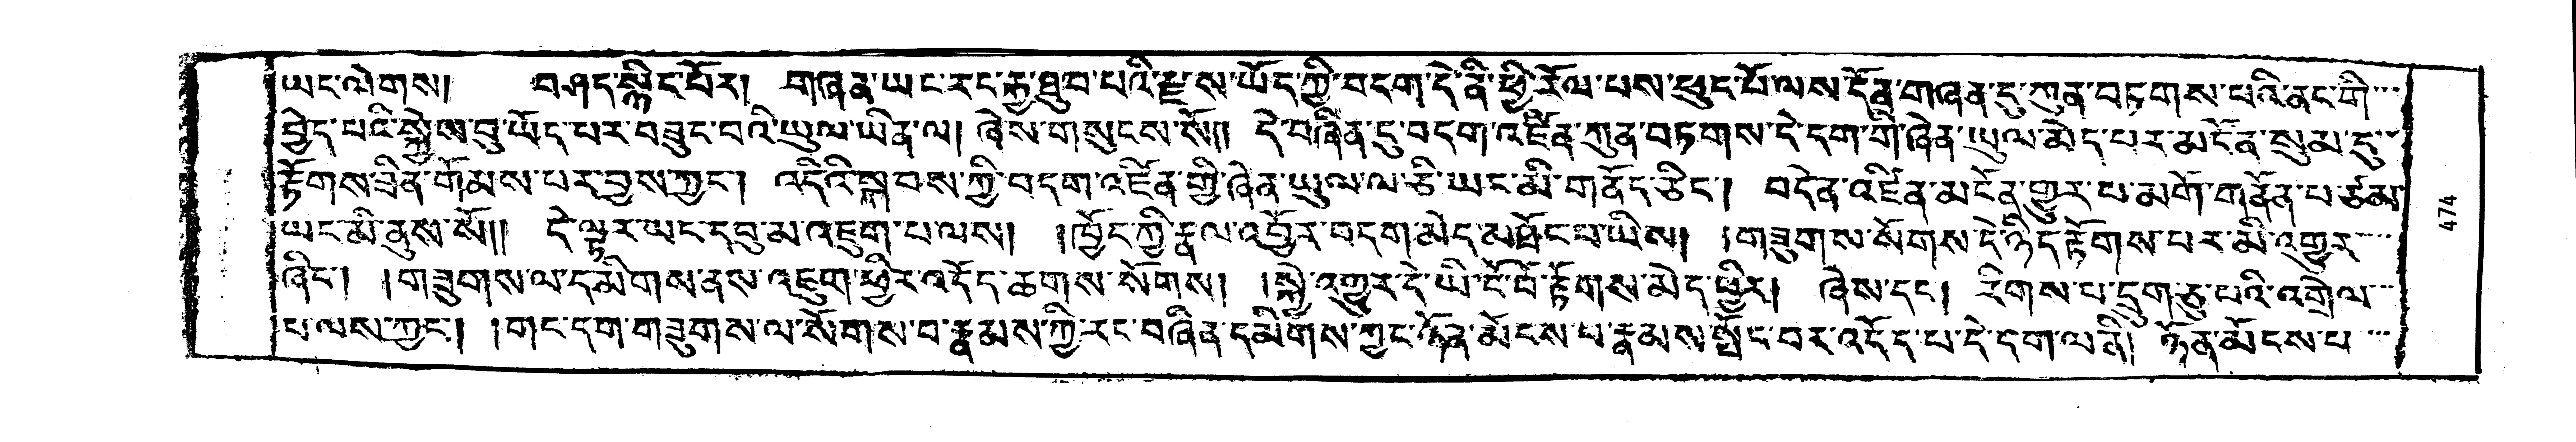ཡང་ལེགས། བཤད་སྙིང་པོར། གཞན་ཡང་རང་རྐྱ་ཐུབ་པའི་རྫས་ཡོད་ཀྱི་བདག་དེ་ནི་ཕྱི་རོལ་པས་ཕུང་པོ་ལས་དོན་གཞན་དུ་ཀུན་བཏགས་པའི་ནང་གི་
བྱེད་པའི་སྐྱེས་བུ་ཡོད་པར་བཟུང་བའི་ཡུལ་ཡིན་ལ། ཞེས་གསུངས་སོ།། དེ་བཞིན་དུ་བདག་འཛིན་ཀུན་བཏགས་དེ་དག་གི་ཞེན་ཡུལ་མེད་པར་མངོན་སུམ་དུ་
རྟོགས་ཟིན་གོམས་པར་བྱས་ཀྱང་། འདིའི་སྐབས་ཀྱི་བདག་འཛིན་གྱི་ཞེན་ཡུལ་ལ་ཅི་ཡང་མི་གནོད་ཅིང་། བདེན་འཛིན་མངོན་གྱུར་པ་མགོ་གནོན་པ་ཙམ་
ཡང་མི་ནུས་སོ།། དེ་ལྟར་ཡང་དབུ་མ་འཇུག་པ་ལས། །ཁྱོད་ཀྱི་རྣལ་འབྱོར་བདག་མེད་མཐོང་བ་ཡིས། །གཟུགས་སོགས་དེ་ཉིད་རྟོགས་པར་མི་འགྱུར་
ཞིང་། །གཟུགས་ལ་དམིགས་ནས་འཇུག་ཕྱིར་འདོད་ཆགས་སོགས། །སྐྱེ་འགྱུར་དེ་ཡི་ངོ་བོ་རྟོགས་མེད་ཕྱིར། ཞེས་དང་། རིགས་པ་དྲུག་ཅུ་པའི་འགྲེལ་
པ་ལས་ཀྱང་། །གང་དག་གཟུགས་ལ་སོགས་པ་རྣམས་ཀྱི་རང་བཞིན་དམིགས་ཀྱང་ཉོན་མོངས་པ་རྣམས་སྤོང་བར་འདོད་པ་དེ་དག་ལ་ནི། ཉོན་མོངས་པ་